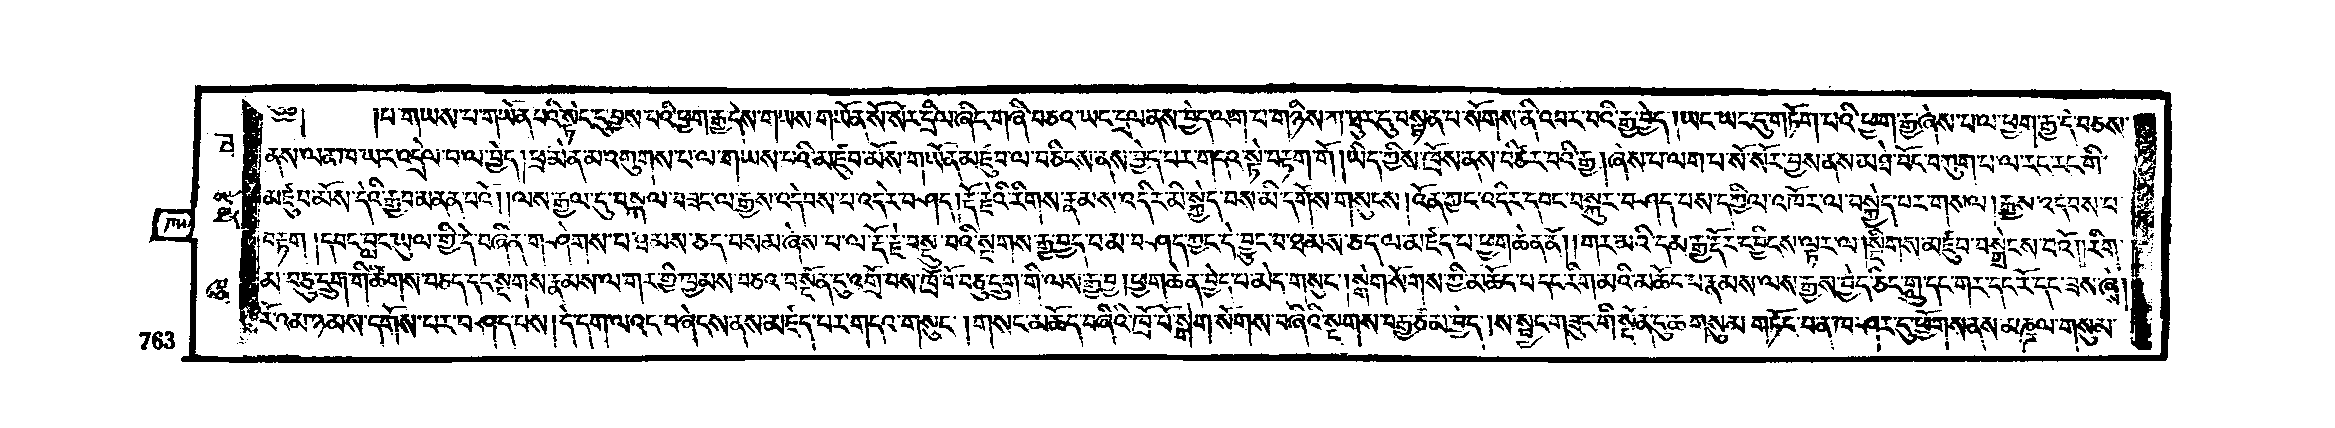༄༅། །པ་གཡས་པ་གཡོན་པའི་སྟེང་དུ་བྱས་པའི་ཕྱག་རྒྱ་དེས་གཡས་གཡོན་སོ་སོར་དྲིལ་ཞིང་གཞི་བཅའ་ཡང་དྲལ་ནས་བྱེད་ལག་པ་གཉིས་ཀ་ཐུར་དུ་བསྟན་པ་སོགས་ནི་འབར་བའི་རྒྱ་བྱེད། ཡང་ཡང་དུ་གཏོག་པའི་ཕྱག་རྒྱ་ཞེས་པ་ལ་ཕྱག་རྒྱ་དེ་བཅས་
ནས་ལན་ཁ་ཡར་འདྲེལ་བ་ལ་བྱེད། ཕྲ་མེན་མ་འགུགས་པ་ལ་གཡས་པའི་མཛུབ་མོས་གཡོན་མཛུབ་ལ་བཅིངས་ནས་བྱེད་པར་གདའ་སྟེ་བརྟག་གོ །ཡིད་ཀྱིས་ཁྲོས་ནས་བཙིར་བའི་རྒྱ། ཞེས་པ་ལག་པ་སོ་སོར་བྱས་ནས་མཐེ་བོང་བཀུག་པ་ལ་རང་རང་གི་
མཛུབ་མོས་དེའི་རྒྱབ་མནན་པའོ། །ལས་རྒྱལ་དུ་བསྐལ་བཟང་ལ་རྒྱས་འདེབས་པ་འདིར་བཤད། རྡོ་རྗེའི་རིགས་རྣམས་འདིར་མི་སྐྱེད་བས་མི་དགོས་གསུངས། འོན་ཀྱང་འདིར་དབང་བསྐུར་བཤད་པས་དཀྱིལ་འཁོར་ལ་བསྐྱེད་པར་གསལ། རྒྱས་འདེབས་པ་
བརྟག །དབང་བླང་ཡུལ་གྱི་དེ་བཞིན་གཤེགས་པ་ཐམས་ཅད་བསམ་ཞེས་པ་ལ་རྡོ་རྗེ་བསྡུ་བའི་སྔགས་རྒྱ་བྱད་པ་མ་བཤད་ཀྱང་དེ་བྱུང་བ་ཐམས་ཅད་ལ་མཛད་པ་ཕྱག་ཆེན་ནོ། །གར་མའི་དམ་རྒྱ་རྡོར་དབྱིངས་ལྟར་ལ། སྡིགས་མཛུབ་བསྒྲེངས་བའོ། །རིག་
མ་བཅུ་དྲུག་གི་ཚིགས་བཅད་དང་སྔགས་རྣམས་ལ་གར་གྱི་ཁྱམས་བཅའ་བ་སྔོན་དུ་འགྲོ་བས་ཁྲོ་བོ་བཅུ་དྲུག་གི་ལས་རྒྱ་བྱ། ཕྱག་ཆེན་བྱེད་པ་མེད་གསུང་། སྒེག་སོགས་ཀྱི་མཆོད་པ་དང་རིག་མའི་མཆོད་པ་རྣམས་ལས་རྒྱས་བྱེད་ཅིང་གླུ་དང་གར་དང་རོ་དང་ཟས་ཞེས།
རོ་འམ་ཉམས་དགོས་པར་བཤད་པས། དེ་དག་ལའང་བཞེངས་ནས་མཛད་པར་གདའ་གསུང་། གསང་མཆོད་བཞིའི་ཁྲོ་བོ་སྒེག་སོགས་བཞིའི་སྔགས་བརྒྱ་ཙམ་བྱེད། ས་སྦྱང་གཟུང་གི་སྔོན་དུ་ཆ་གསུམ་གཏོང་བ་ན་ཁ་ཤར་དུ་ཕྱོགས་ནས་མཎྜལ་གསུམ་